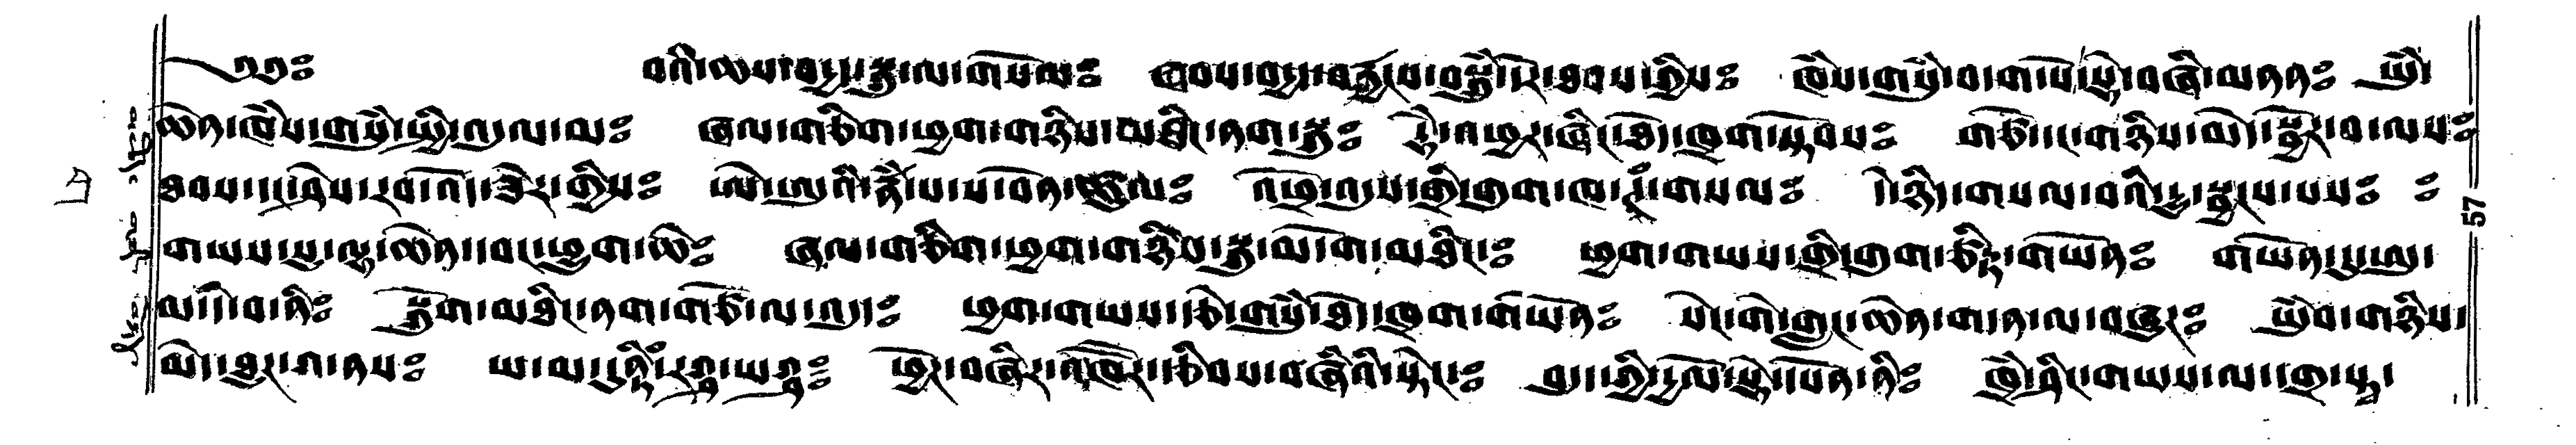བའི་ཆས་བརྒྱད་སྐུ་ལ་གསོལཿ ཞབས་བརྒྱད་བརྐྱངས་བསྐུམ་འདོར་སྟབས་ཀྱིསཿ ཁམས་གསུམ་བདག་པོ་སྡེ་བཞི་མནནཿ ཡུམ་
ཆེན་ཁམས་གསུམ་སྤྱི་འདུལ་མཿ ཞལ་གཅིག་ཕྱག་གཉིས་མཐིང་ནག་སྐུཿ རྡོ་རྗེ་འཕྱར་ཞིང་ཐོད་ཁྲག་སྟོབསཿ གཙོ་དང་གཉིས་མེད་སྦྱོར་བ་ལསཿ 
ཐབས་དང་ཤེས་རབ་འོད་ཟེར་གྱིསཿ ཨེ་ཨུའི་རྣམ་པ་ས་བོན་ཚུལཿ འཕྲོ་འདུས་གྲི་གུག་ཁ་ཊཾ་གསལཿ དེ་ཉིད་གསལ་བའི་རྒྱུ་སྦྱངས་པསཿ
 གཡས་སུ་ལྷ་ཆེན་དབང་ཕྱུག་ཆེཿ ཞལ་གཅིག་ཕྱག་གཉིས་སྐུ་མདོག་མཐིང་ཿ ཕྱག་གཡས་གྲི་གུག་ཙིཏྟ་གཡོནཿ གཡོན་དུ་ཨུ་
མ་དེ་བ་ནིཿ སྐུ་མདོག་མཐིང་ནག་གཙོ་ལ་འདུདཿ ཕྱག་གཡས་རྩེ་གསུམ་ཐོད་ཁྲག་གཡོནཿ སེང་གེ་གླང་ཆེན་གདན་ལ་བཞུགསཿ ཡབ་ཡུམ་གཉིས་
མེད་ཐུགས་ཀ་ནསཿ ཡ་མ་དུནྟིཾ་རཀྴ་ཡཀྴཿ ཕྱོགས་བཞིར་འཁོར་ལོ་རྩིབས་བཞིའི་སྟེང་ཿ བདུད་ཀྱི་རྒྱལ་པོ་སྡེ་དཔོན་ནིཿ ཁྲམ་ཤིང་གཡས་ལ་དགྲ་སྟྭ་